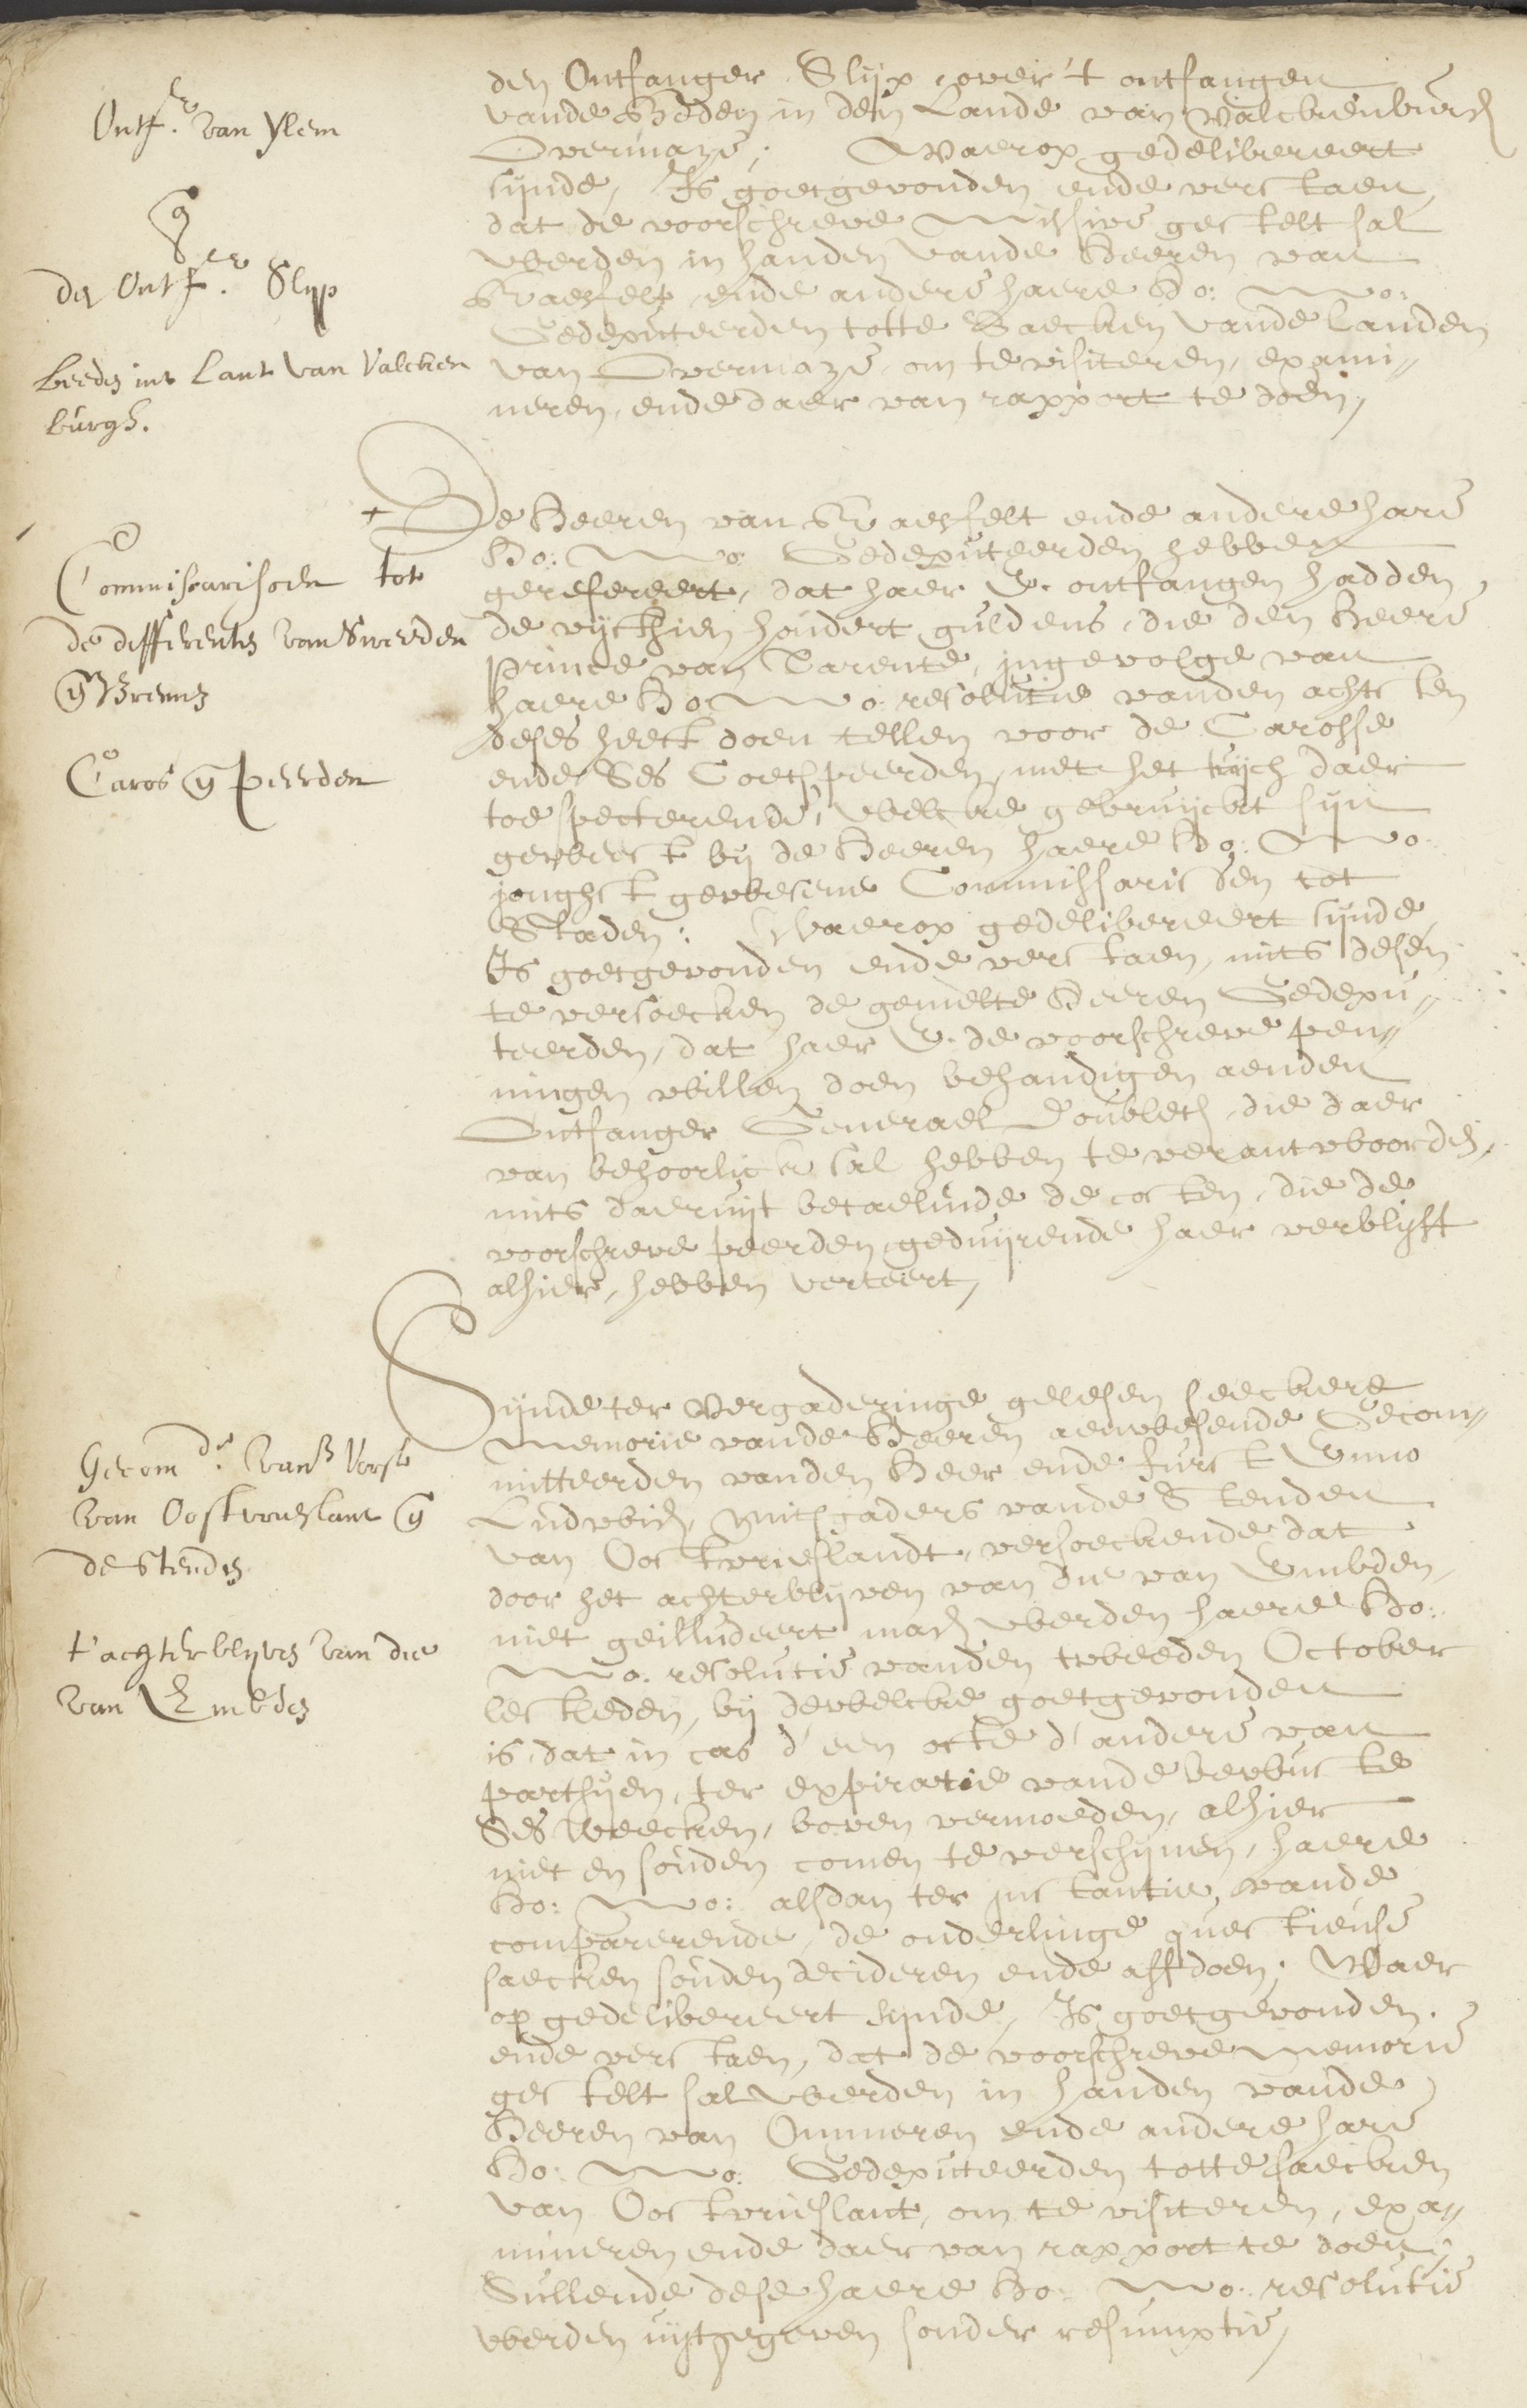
Ontfer van Ylem
&
den ontfer. Slyp
beeden int lant van Valcken
burgh.
den Ontfanger Slijp, over 't ontfangen
vande Beden in den Lande van Valckenburch
Overmaze; Waerop gedelibereert
sijnde, Is goetgevonden ende verstaen
dat de voorschreven missive gestelt sal
werden in handen vande Heeren van
Raesfelt, ende andere haere Ho:Mo:
Gedeputeerden totte Saecken vande Landen
van Overmaze om te visiteren, exami„
neren, ende daer van rapport te doen.
Commissarissen tot
de differenten van Sweeden
& Bremen
Caros & peerden
De heeren van Raesfelt ende andere hare
Ho:Mo: Gedeputeerde hebben——
gerefereert, dat haer E. ontfangen hadden,
de vijfthien hondert guldens, die den heere
Prince van Tarente, ingevolge van
haere Ho:Mo: resolutie vanden achtsten
deses heeft doen tellen voor de Carosse
ende Ses Coetspeerden, met het tuijch daer
toe specterende, welcke gebruijckt sijn
geweest bij de Heeren haere Ho:Mo:
jonghst gewesene Commissarissen tot
Staden: Waerop gedelibereert sijnde
Is goetgevonden ende verstaen mits desen
te versoecken de gemelte Heeren Gedepu„
teerden, dat haer E. voorschreve pen„
ningen willen doen behandigen aenden
Ontfanger Generael Doubleth, die daer
van behoorlick sal hebben te verantwoorden,
mits daeruijt betaelende de costen, die de
voorschreve peerden geduijrende haer verblijff
alhier, hebben verteert.
Gecomden. van Vorste
van Oostvrieslant &
de stenden
t'achterblyven van die
van Embden
Sijnde ter vergaderinge gelesen seeckere
memorie van de Heeren aenwesende Gecom„
mitteerden van den Heer ende furst Enno
Ludwich, mitsgaders vande Stenden
van Oostvrieslandt. versoeckende dat
door het achterblijven van die van Embden,
niet geilludeert mach worden haere Ho:
Mo: resolutie vanden tweeden October
lestleden, bij dewelcke goetgevonden
is, dat in cas d'een ofte d'andere van
parthijen, ter expiratie vande bewuste
Ses weecken, boven vermoeden alhier
niet en souden comen te verschijnen, haere
Ho:Mo: alsdan ter instantie vande
comparerende, de onderlinge questieuse
saecken souden decideren, ende affdoen; Waer
op gedelibereert sijnde, Is goetgevonden.
ende verstaen, dat de voorschreve memorie
gestelt sal werden in handen vanden
Heeren van Ommeren ende andere hare
Ho:Mo: Gedeputeerden totte saecken
van Oostvrieslandt, om te visiteren, exa„
mineren ende daer van rapport te doen.
Sullen dese haere Ho:Mo: resolutie
worden uijtgegeven sonder resumptie.
